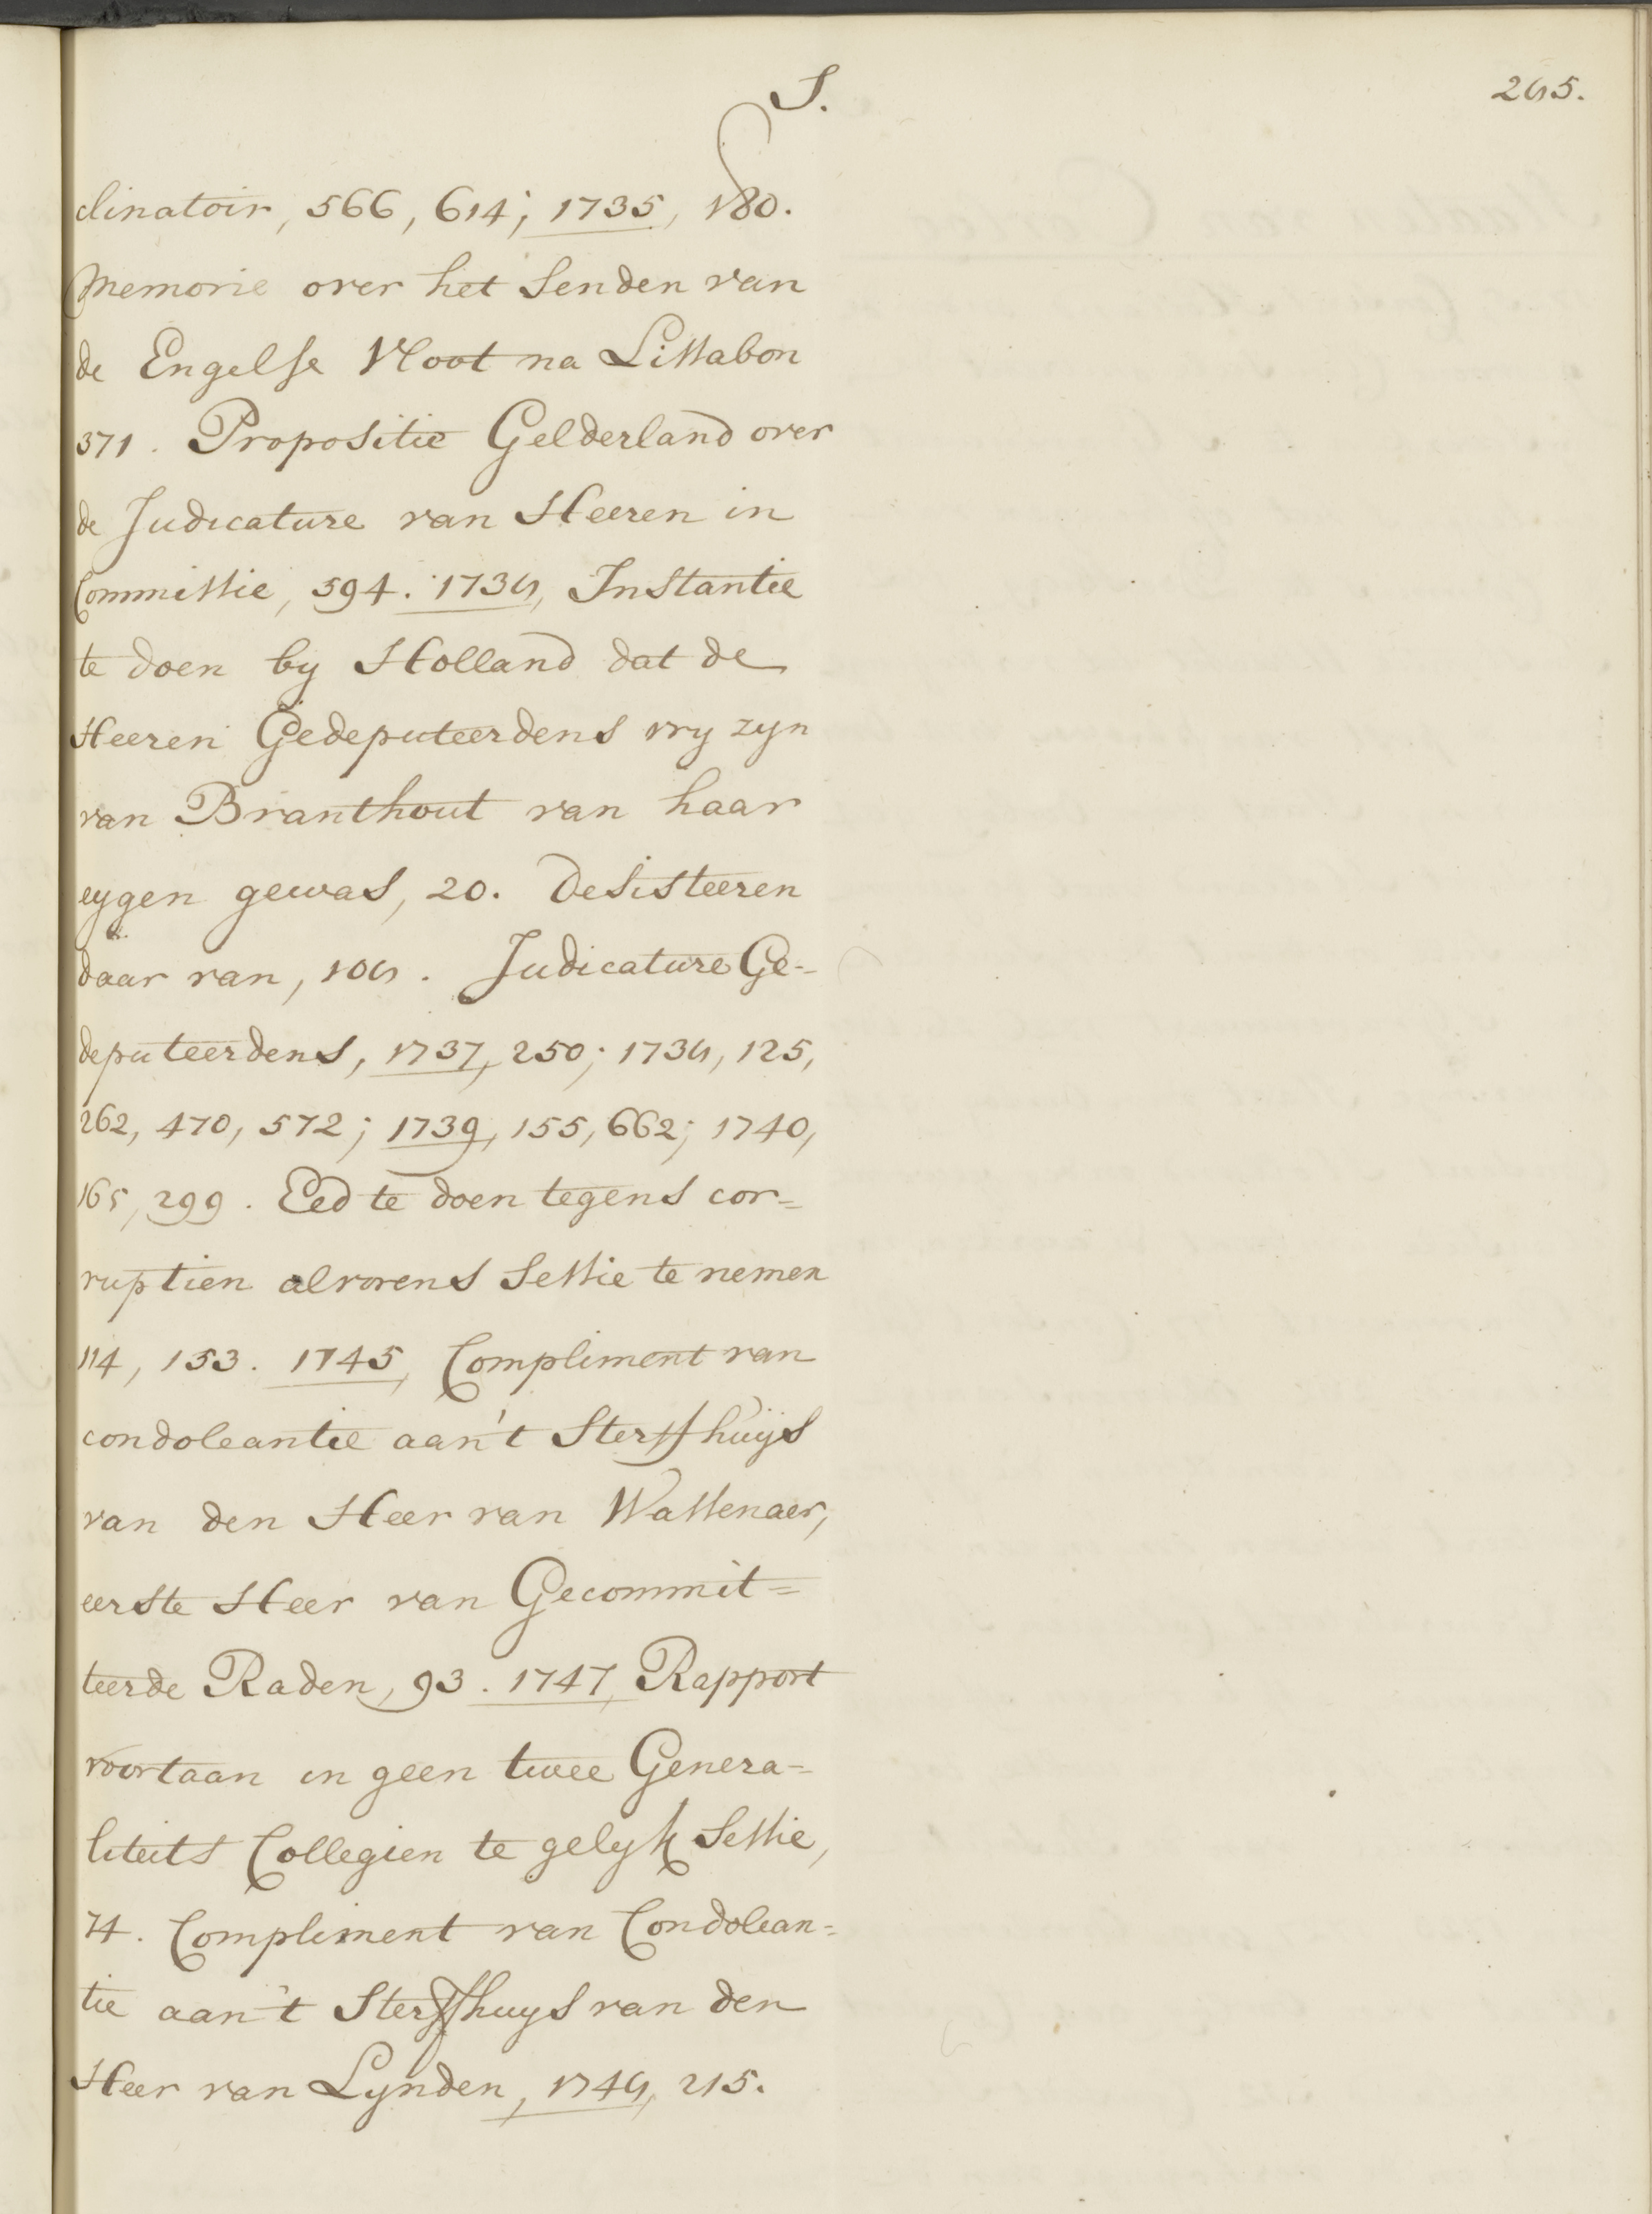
285.
S.
clinatoir, 566, 614; 1735, 180.
Memorie over het senden van
de Engelse Vloot na Lissabon
371. Propositie Gelderland over
de Judicature van Heeren in
Commissie, 594. 1738, Instantie
te doen bij Holland dat de
Heeren Gedeputeerdens vry zyn
van Branthout van haar
eygen gewas, 20. Desisteeren
daar van, 108. Judicature Ge„
deputeerdens, 1737, 250; 1738, 125,
262, 470, 572; 1739, 155, 662; 1740,
165, 299. Eed te doen tegens cor=
ruptien alvorens sessie te nemen
114, 153. 1745, Compliment van
condoleantie aan‛t sterffhuijs
van den Heer van Wassenaer,
eerste Heer van Gecommit=
teerde Raden, 93. 1747 , Rapport
voortaan in geen twee Genera=
liteits Collegien te gelyk sessie,
74. Compliment van Condolean=
tie aan 't sterffhuys van den
Heer van Lynden, 1748, 215.
